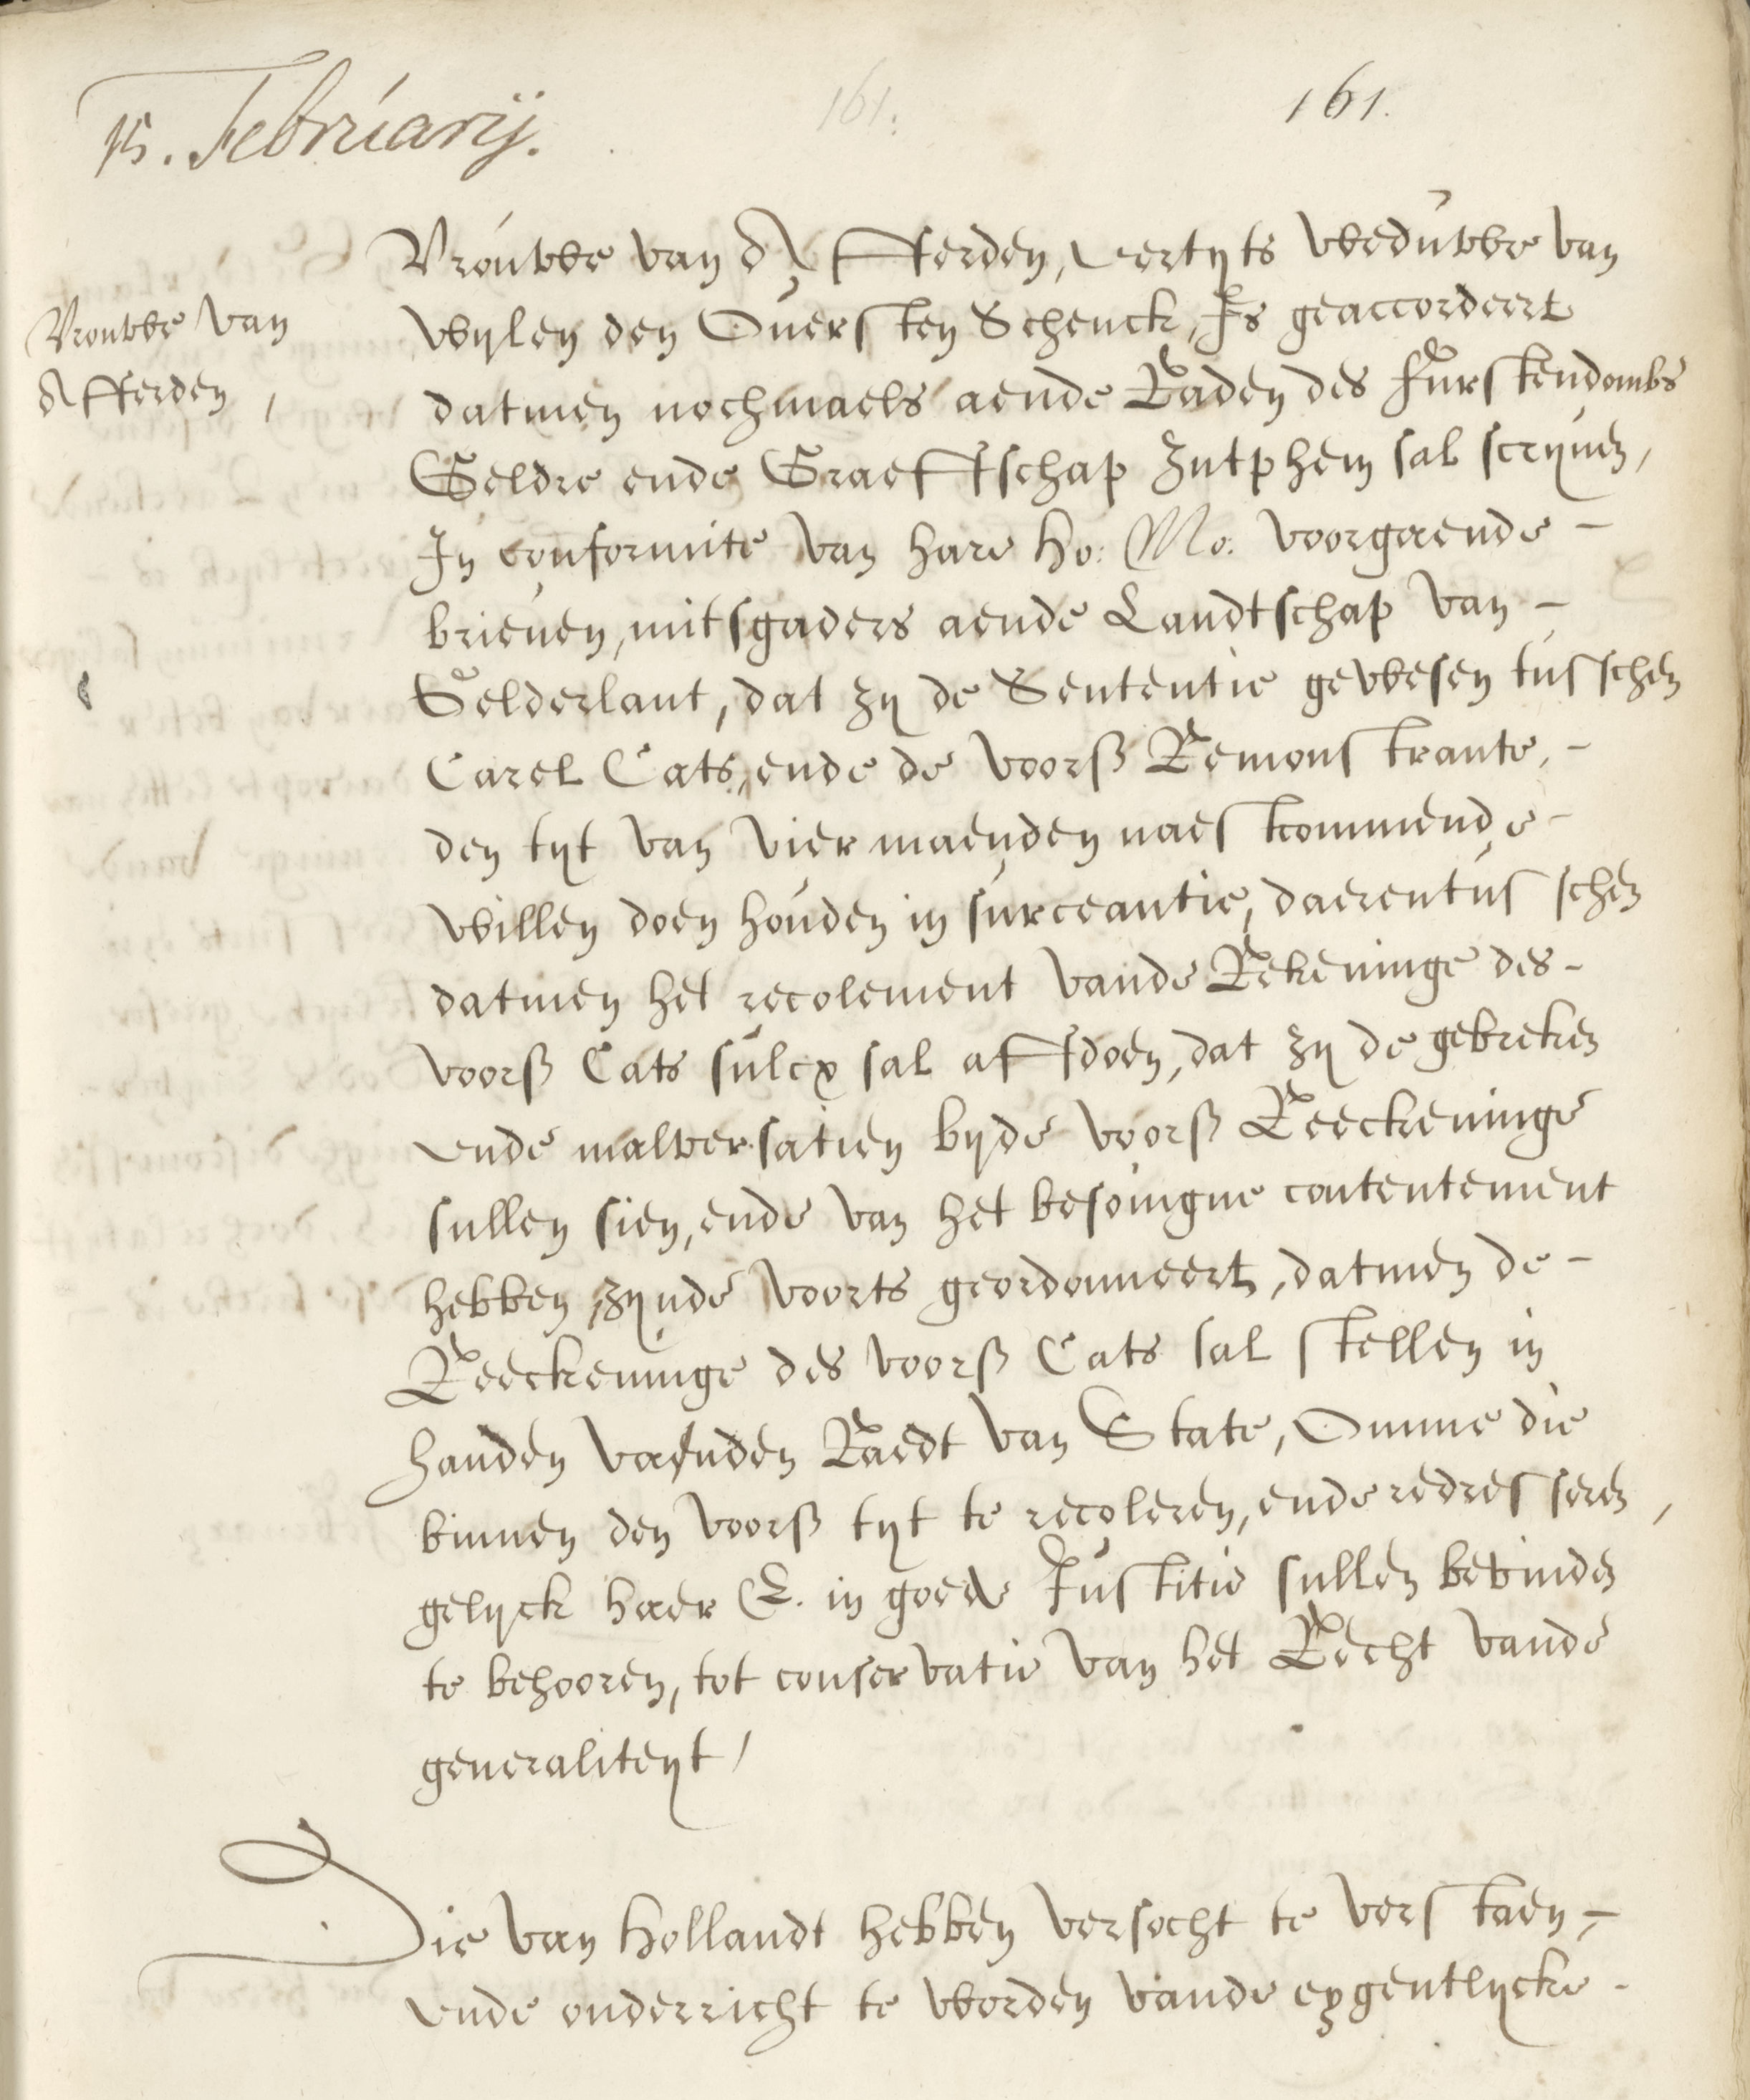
161.
15. Februarij.
Vrouwe van
Afferden
Vrouwe van Afferden, eertyts weduwe van
wylen den Ouersten Schenck, Is geaccordeert
datmen nochmaels aende Raden des furstendombs
Geldre ende Graeffschap Zutphen sal scryuen,
In conformité van hare ho:Mo: voorgaende -
brieuen, mitsgaders aende Landtschap van -
Gelderlant, dat zy de Sententie gewesen tusschen
Carel Cats, ende de voors Remonstrante, -
den tyt van vier maenden naestcommende -
willen doen houden in surceantie, daerentusschen
datmen het recolement vande Rekeninge des -
voors Cats sulcx sal affdoen, dat zy de gebreken
ende malversatien byde voors Reeckeninge
sullen sien, ende van het besoingne contentement
hebben, zynde voorts geordonneert, datmen de -
Reeckeninge des voors Cats sal stellen in
handen vaenden Raedt van State, Omme die
binnen den voors tyt te recoleren, ende redresseren,
gelyck haer E. in goede Justitie sullen bevinden
te behooren, tot conservatie van het Recht vande
generaliteyt.
Die van Hollandt hebben versocht te verstaen, -
ende onderricht te worden vande eygentlycke
